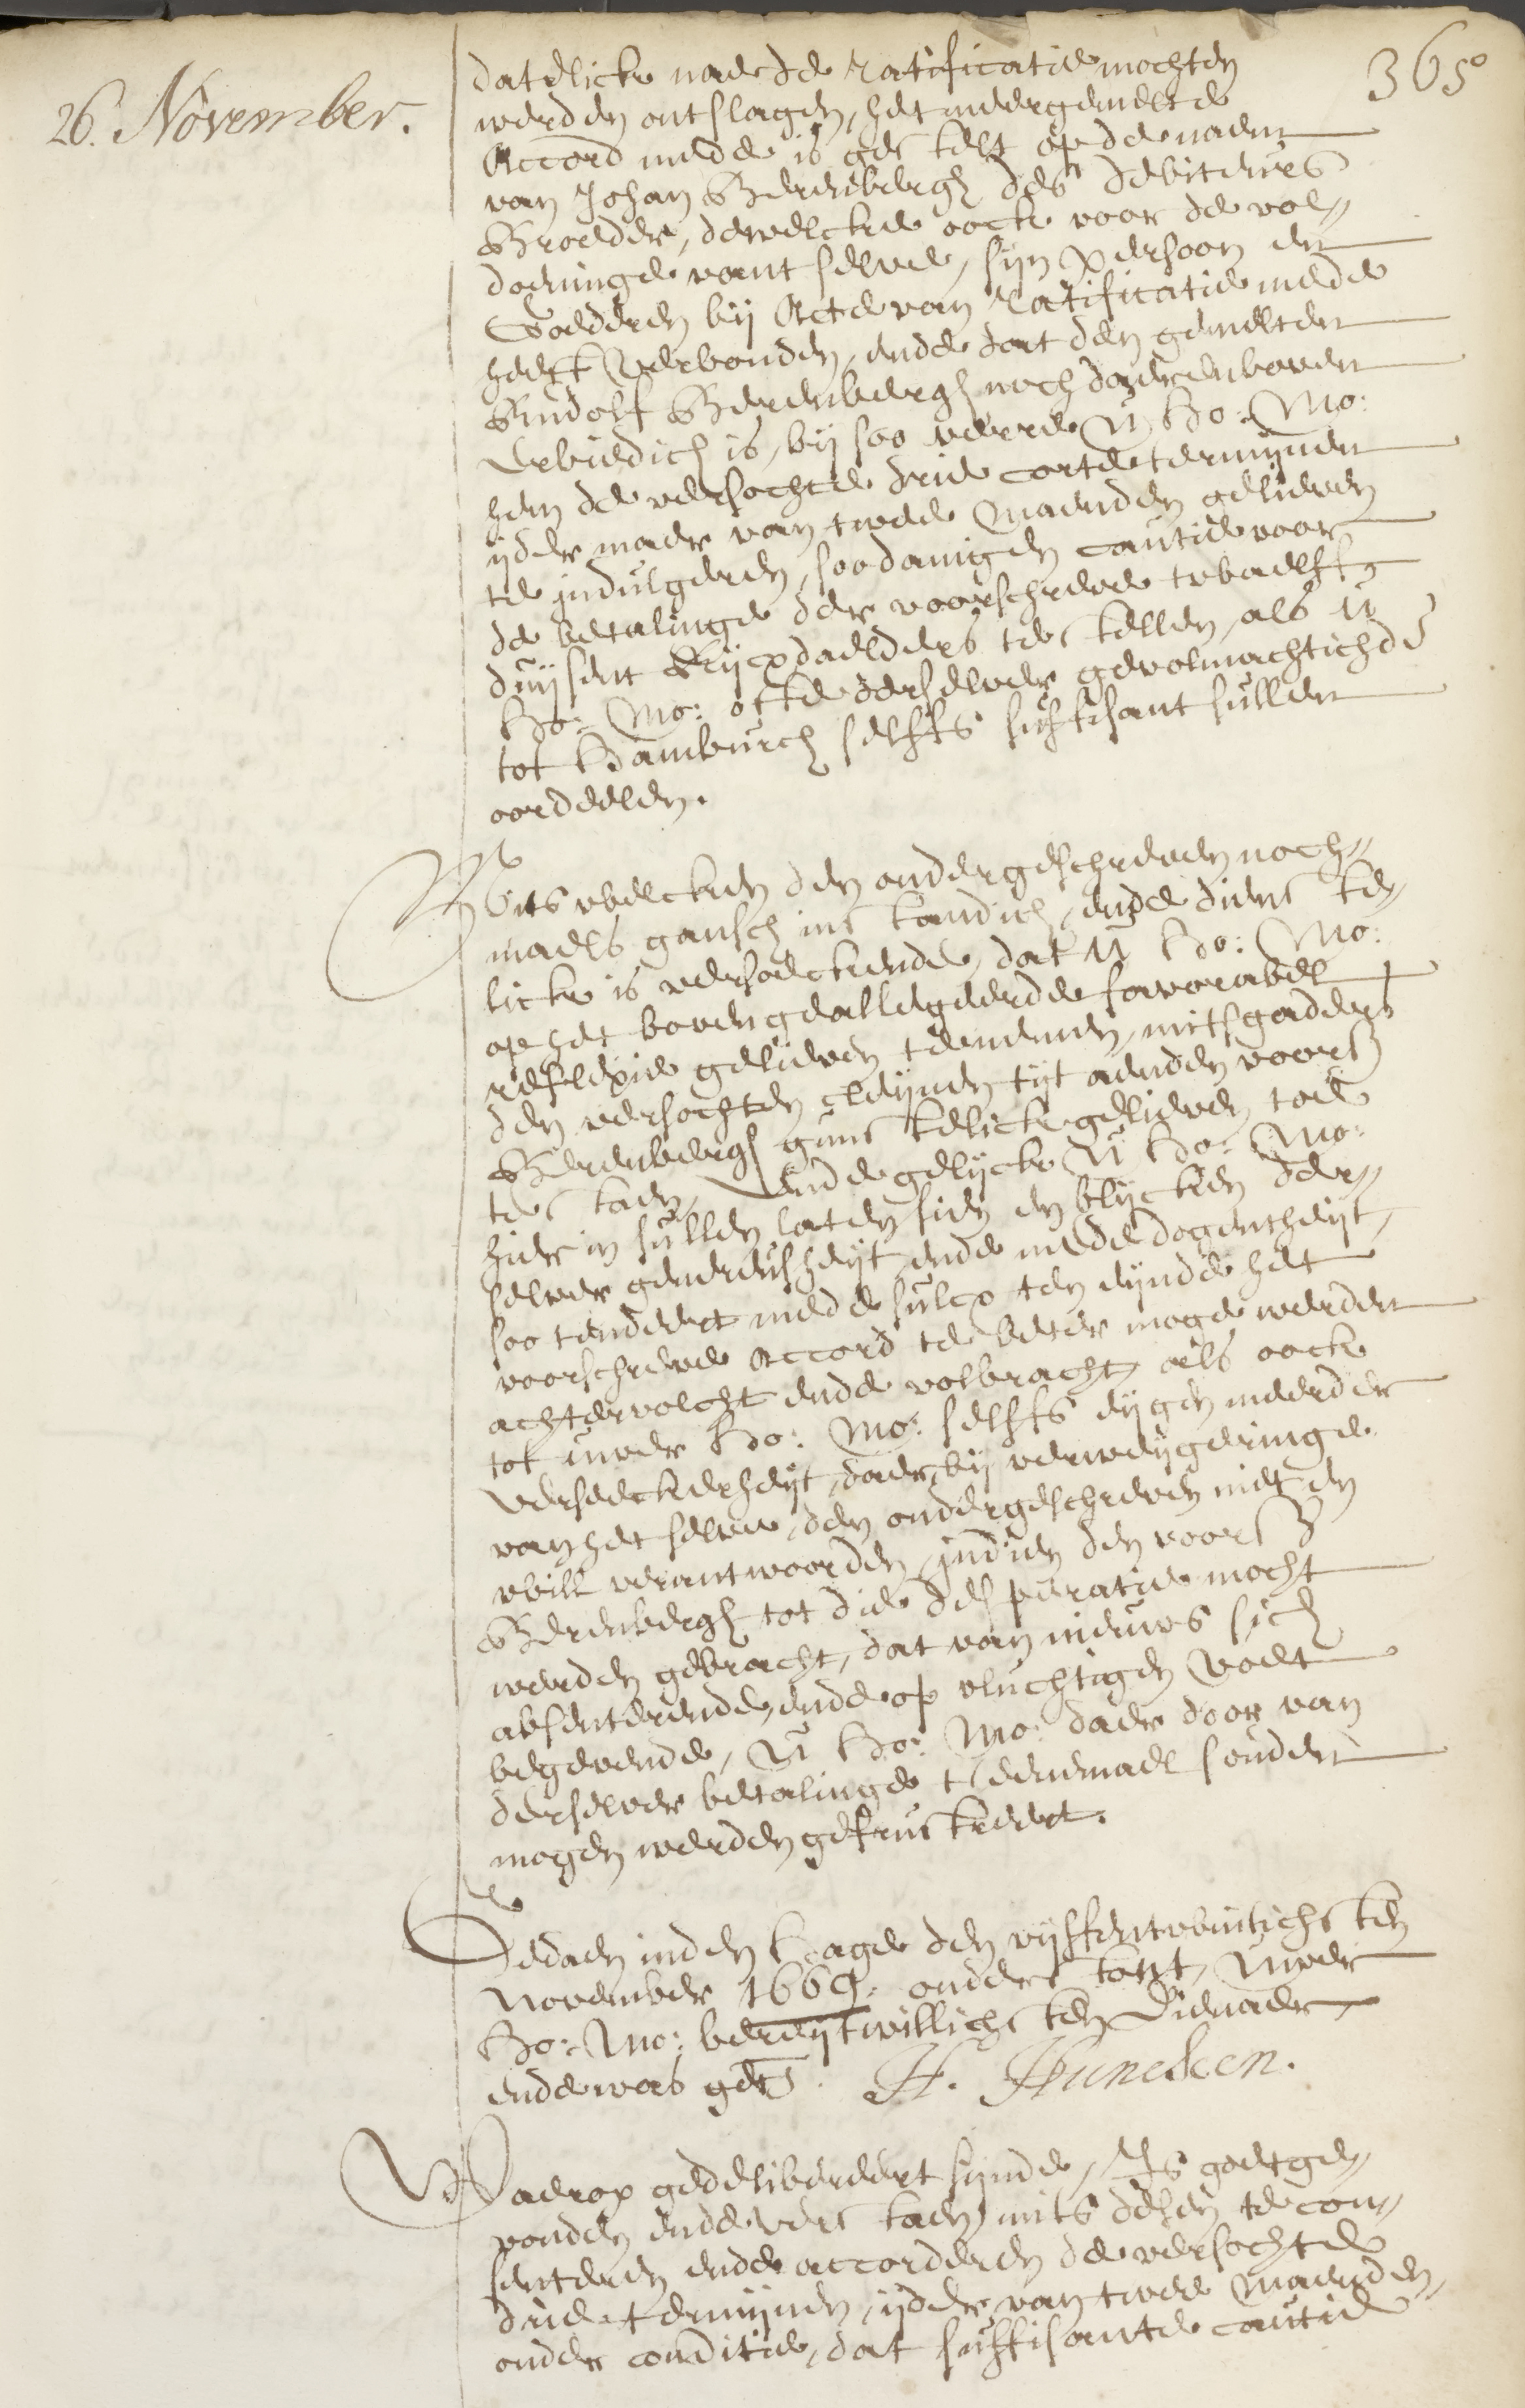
365
26. November.
datelick nae de ratificatie mochten
werden ontslagen, het meergemelte
Accord mede is gestelt opde naem
van Johan Berenbergh des debiteurs
Broeder, dewelcke oock voor de vol„
doeninge vant selve, sijn persoon en
Goederen bij Acte van ratificatie mede
heeft verbonden, ende dat den gemelten
Rudolf Berenbergh noch daerenboven
Erbiedich is, bij soo verre U Ho:Mo:
hem de versochte drie corte termijnen
ijder maer van twee maenden gelieven
te indulgeren, soodanigen cautie voor
de betalinge der voorschreve twaelff
duijsent Rijcxdaelders te stellen, als U
Ho:Mo: ofte derselver gevolmachtichde
tot Hamburch selffs suffisant sullen
oordeelen.
Mits welcken den ondergeschreven noch„
maels gansch instandich, ende dienste„
lick is versoeckende, dat U Ho:Mo:
op het bovengeallegeerde favorabel
reflexie gelieven te nemen, mitsgaders
den versochten cleijnen tijt aenden voors
Berenbergh gunstelick gelieven toe
te staen, ende gelijck U Ho:Mo:
hier in sullen laten sien en blijcken der„
selver genereusheijt ende mededogentheijt,
soo tendeert mede sulcx ten eijnde het
voorschreve Accord te beter moge werden
achtervolcht ende volbracht, als oock
tot uwer Ho:Mo: selffs eijgen meerder
verseeckerheijt, daerbij verweijgeringe
van hetselve, den ondergeschreven niet en
will verantwoorden, indien den voors
Berenbergh tot die desperatie mocht
werden gebracht, dat van nieuws sich
absenterende, ende op vluchtigen voet
begevende, U Ho:Mo: daer door van
derselver betalinge t‛eenemael souden
mogen werden gefrustreert.
Gedaen inden Hage den vijffentwintichsten
November 1669. onderstont, Uwer
Ho:Mo: bereijtwillichsten Dienaer,
ende was get. H. Huneken.
Waerop gedelibereert sijnde, Is goetge„
vonden ende verstaen, mits desen te con„
senteren ende accorderen de versochte
drie termijnen, ijder van twee maenden,
onder conditie, dat suffisante cautie
